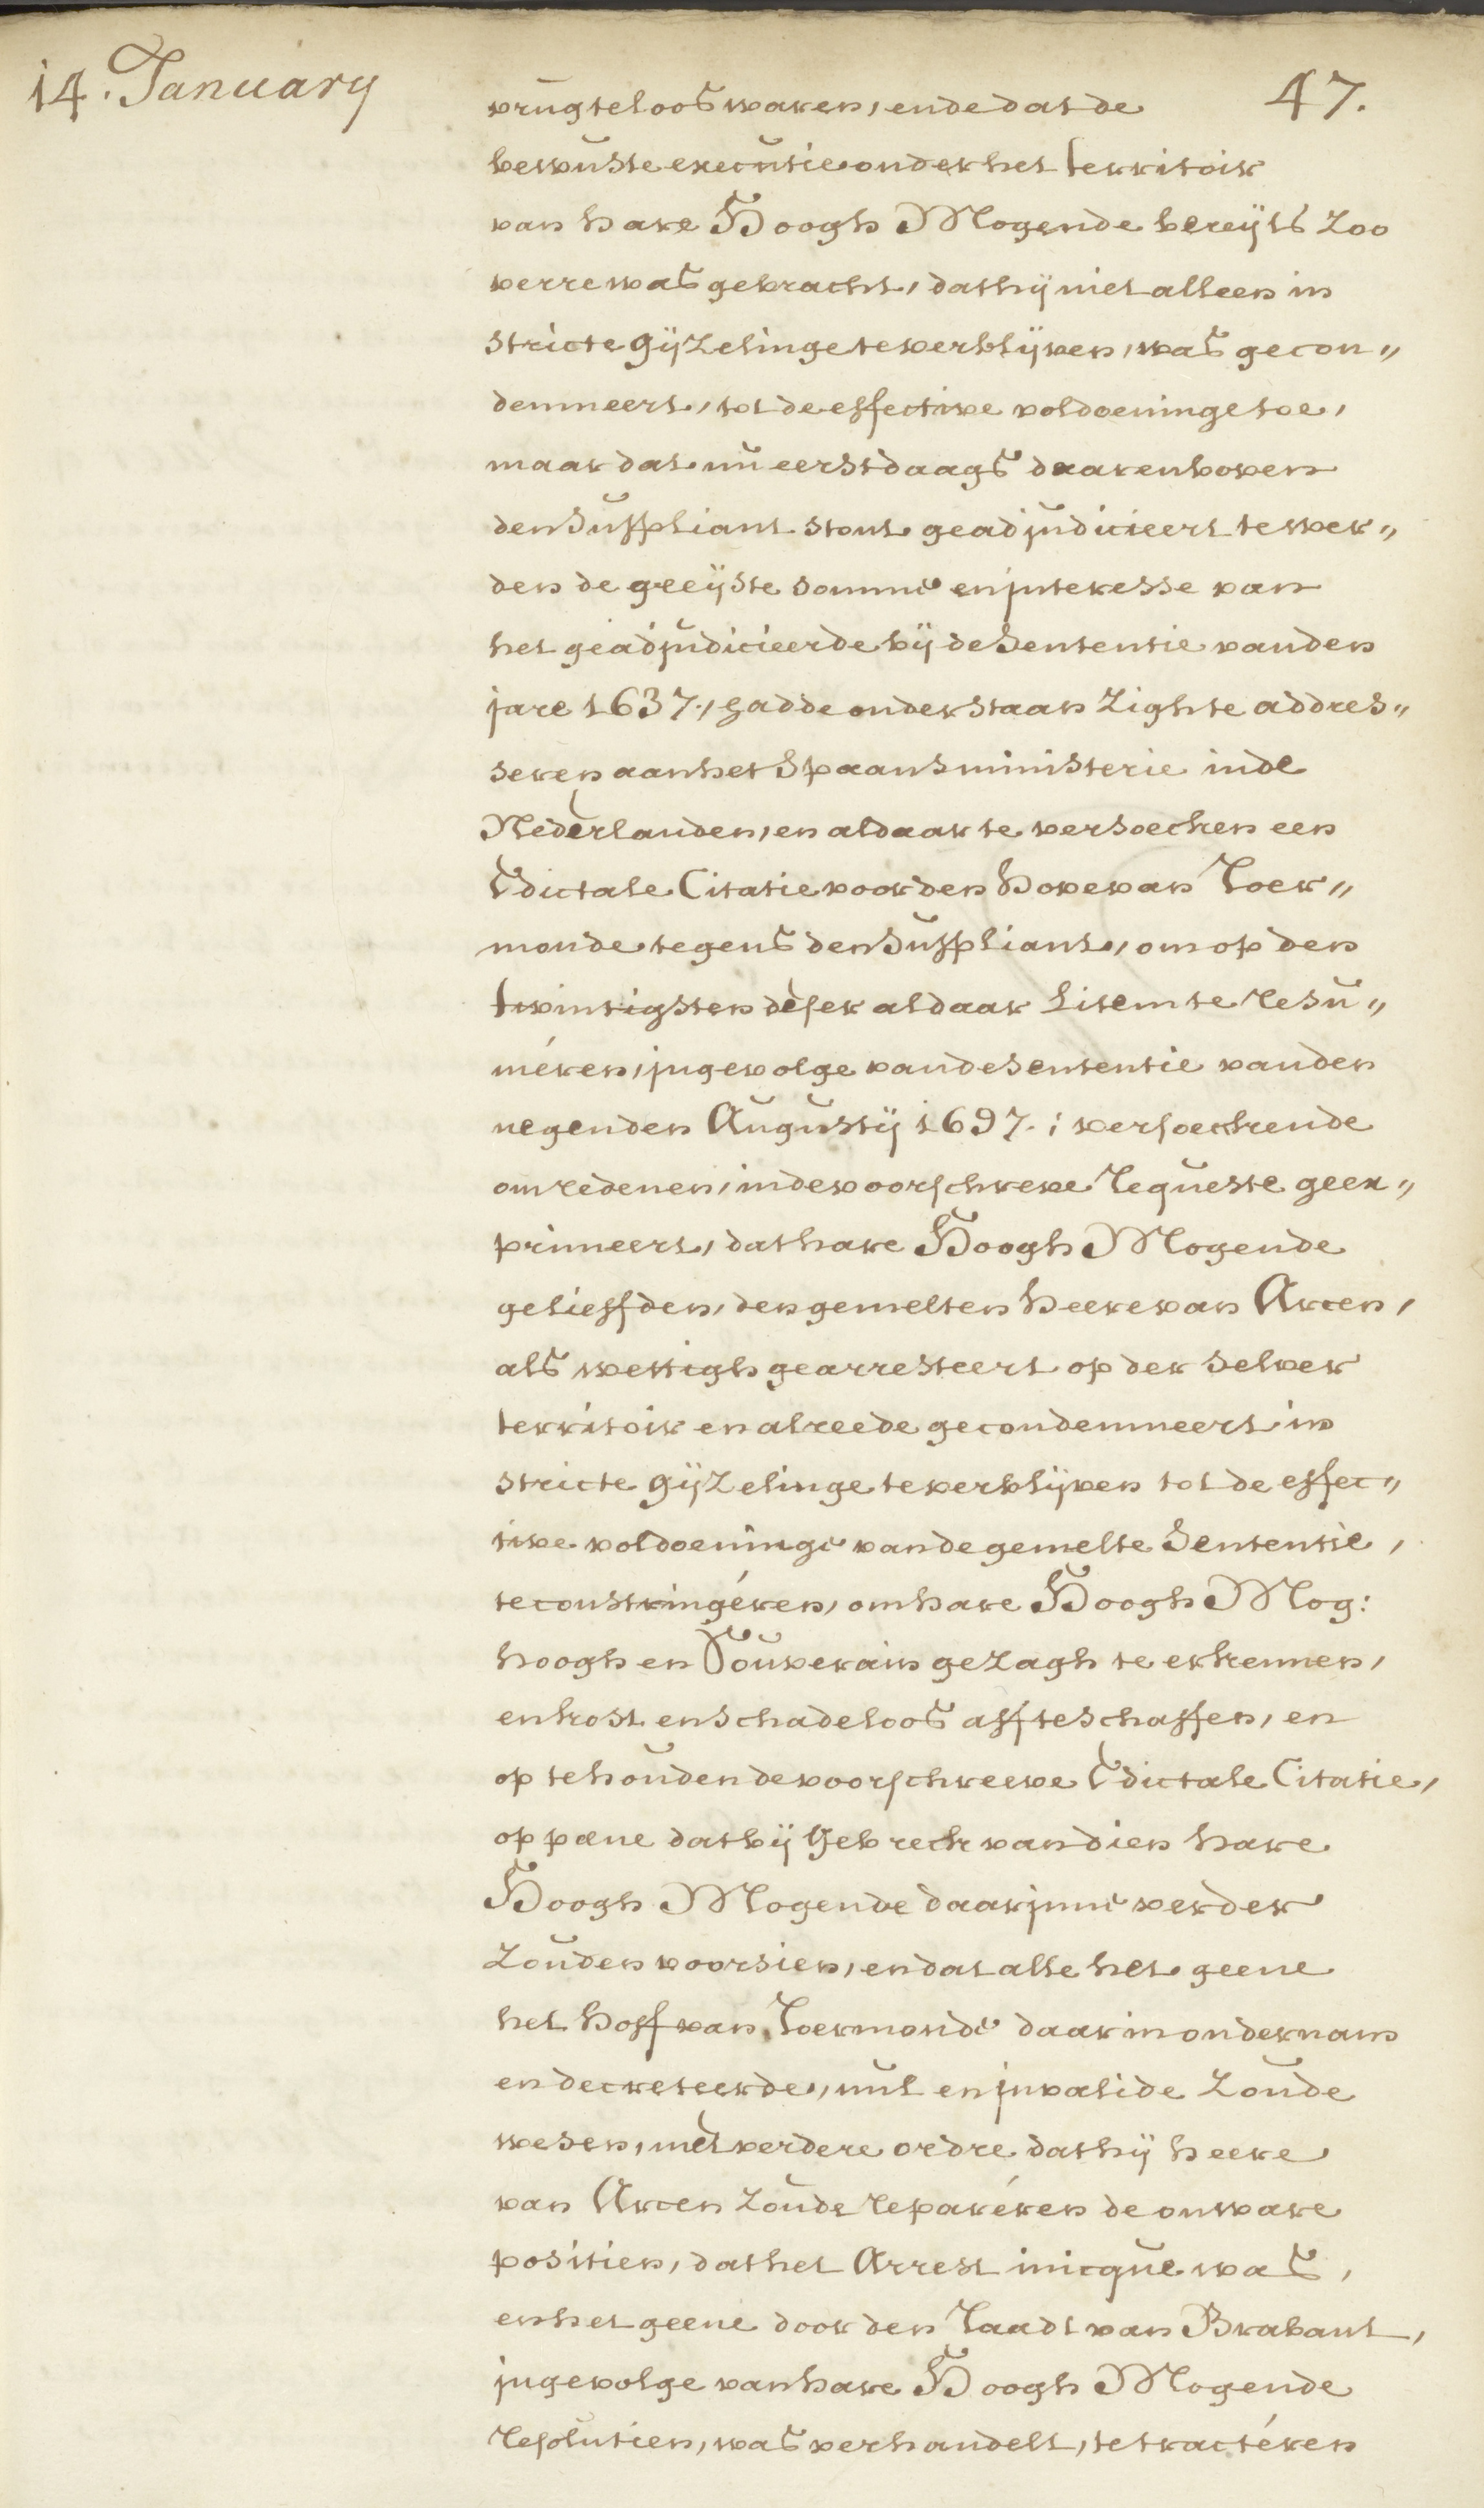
47.
14. Januarij
vrugteloos waren, ende dat de
bewuste executie onder het territoir
van hare Hoogh Mogende bereijts zoo
verre was gebracht, dat hij niet alleen in
stricte gijzelinge te verblijven, was gecon„
demneert, tot de effective voldoeninge toe,
maar dat nu eerstdaags daaren boven
den suppliant stont geadjudicieert te wer„
den de geeijste somme en interesse van
het geadjudicieerde bij de sententie vanden
jare 1637, hadde onder staan zigh te addres„
seren aan het spaans ministerie inde
Nederlanden, en aldaar te versoecken een
Edictale Citatie voor den Hove van Roer„
monde tegens den suppliant, om op den
twintigsten deser aldaar litem te resu„
meren, ingevolge van de sententie vanden
negenden Augustij 1697. versoeckende
om redenen, inde voorschreve requeste geex„
primeert, dat hare Hoogh Mogende
gelieffden, den gemelten heere van Arcen,
als wettigh gearresteert op der selver
territoir en alreede gecondemneert in
stricte gijzelinge te verblijven tot de effec„
tive voldoeninge van de gemelte sententie,
te constringeren, om hare Hoogh Mog:
hoogh en Souverain gezagh te erkennen,
en kost en schadeloos aff te schaffen, en
op te houden de voorschreeve Edictale Citatie,
op peene dat bij gebreck van dien hare
Hoogh Mogende daarinne verder
zouden voorsien, en dat alle het geene
het Hoff van Roermonde daarin ondernam
en decreteerde, nul en invalide zoude
wesen, met verdere ordre dat hij heere
van Arcen zoude repareren de onware
positien, dat het Arrest inicque was,
en het geene door den Raadt van Brabant
ingevolge van hare Hoogh Mogende
resolutien, was verhandelt, te tracteren
